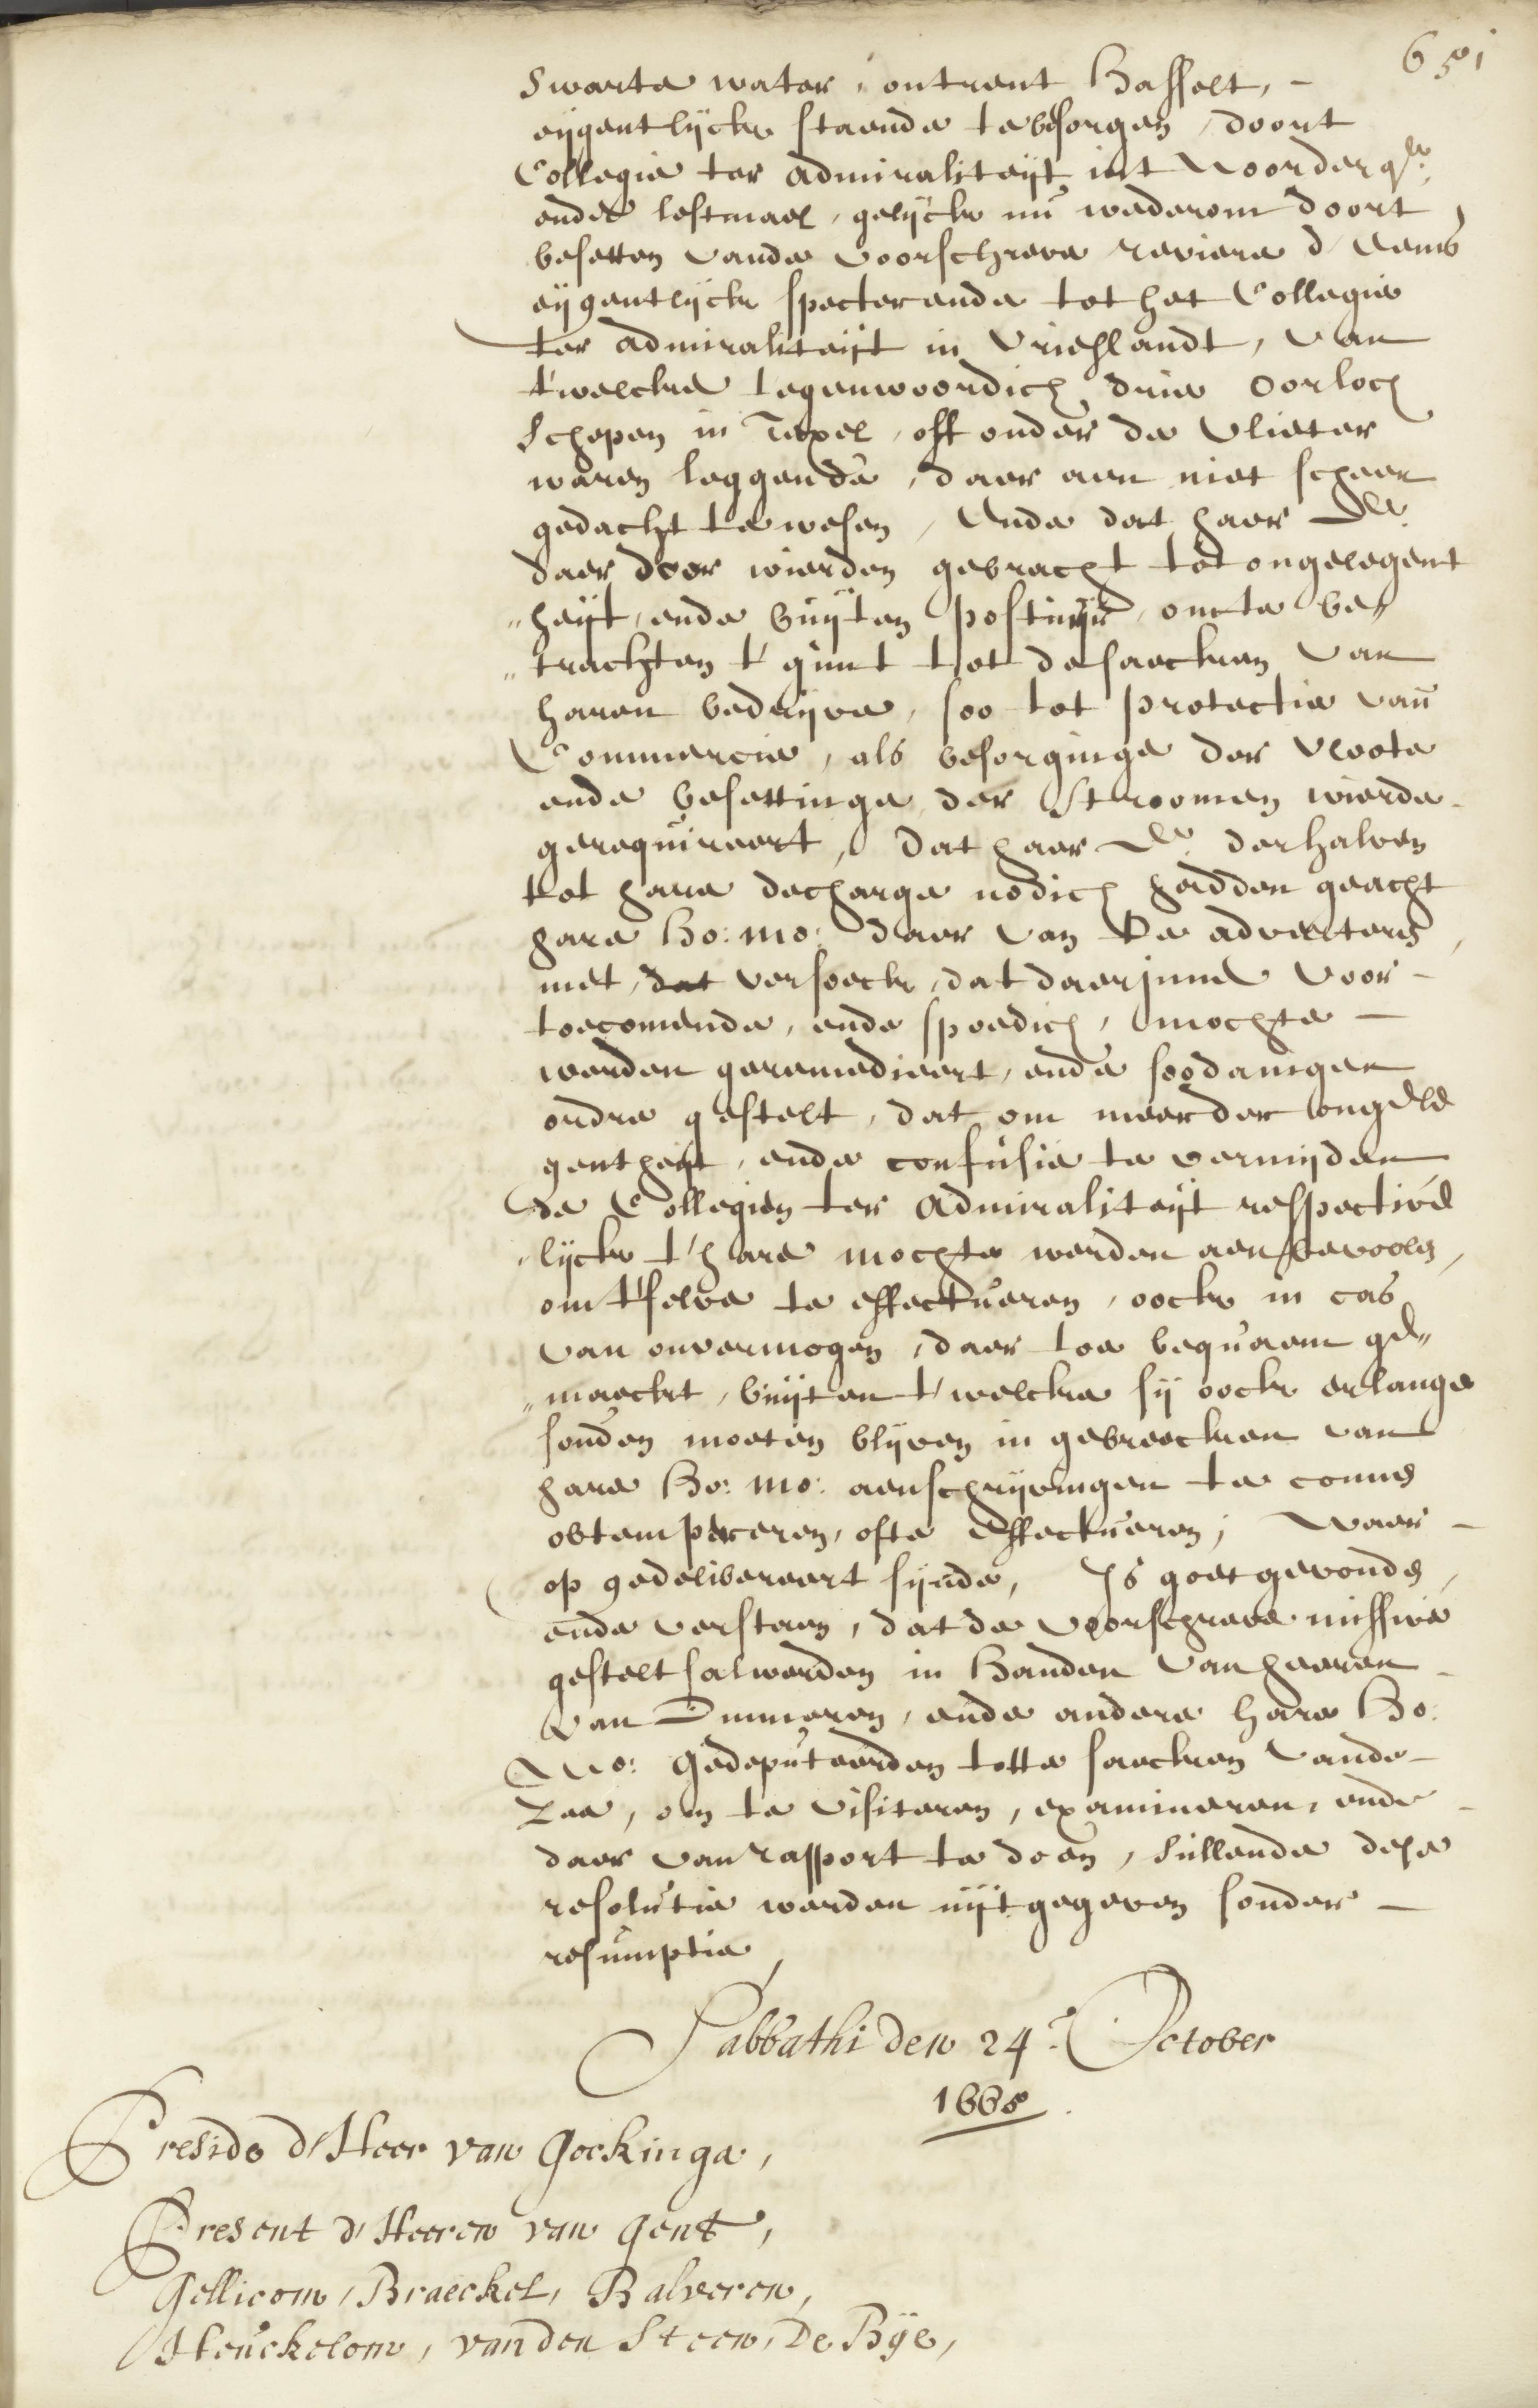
651
Swarte water, ontrent Hasselt,
eijgentlijck staende te besorgen doort
collegie ter admiraliteijt, int Noorderqr.
ende lestmael, gelijck nu wederom doort
besetten vande voorschreve reviere d'Eems
eigentlijck specterende tot het Collegie
ter admiraliteijt in Vrieslandt, van
't welcke tegenwoordich drie oorloch
schepen in Texel, off onder de Vlieter
waren leggende, daer men niet scheen
gedacht te wesen. Ende dat haer E.
daer door wierden gebracht tot ongelegent„
heijt, ende buijten postuijr, om te be„
,,trachten t'gunt tot de saecken van
haren bedrijve, soo tot protectie van
Commercie, als besorginge der vloote
ende besettinge der stroomen wierde
gerequireert, dat haer E. derhalven
tot hare decharge nodich hadden geacht
hare Ho: Mo: daer van te adverteren
met dat versoeck, dat daerinne voor
toecomende, ende spoedich, mochte
werden geremedieert, ende soodanigen
ordre gestelt, dat om meerder ongele„
gentheijt, ende confusie te vermijden
de Collegien ter Admiraliteijt respective„
lijck t'hare mochten werden aenbevoolen,
om t'selve te effectueren, oock in cas
van onvermogen, daer toe bequame ge„
,,maeckt buijten t'welcke sij oock erlange
souden moeten blijven in gebreecken van
hare Ho: Mo: aenschrijvingen toe connnen
obtempereren, ofte effectueren; Waer
op gedelibereert sijnde, Is goet gevonden
ende verstaen, dat de voorschreve missive
gestelt sal werden in handen van heeren
van Ommeren, ende andre hare Ho:
Mo: gedeputeerden totte saecken vande
zee, om te visiteren, examineren, ende
daer van rapport te doen, sullende dese
resolutie worden uijtgegeven sonder
resumptie.
Sabbathi den 24e. October
1665
Preside d'Heer van Gockinga,
Present d'Heeren van Gent,
Gellicom, Braeckel, Balveren,
Heuckelom, vanden Steen, de Bije,
